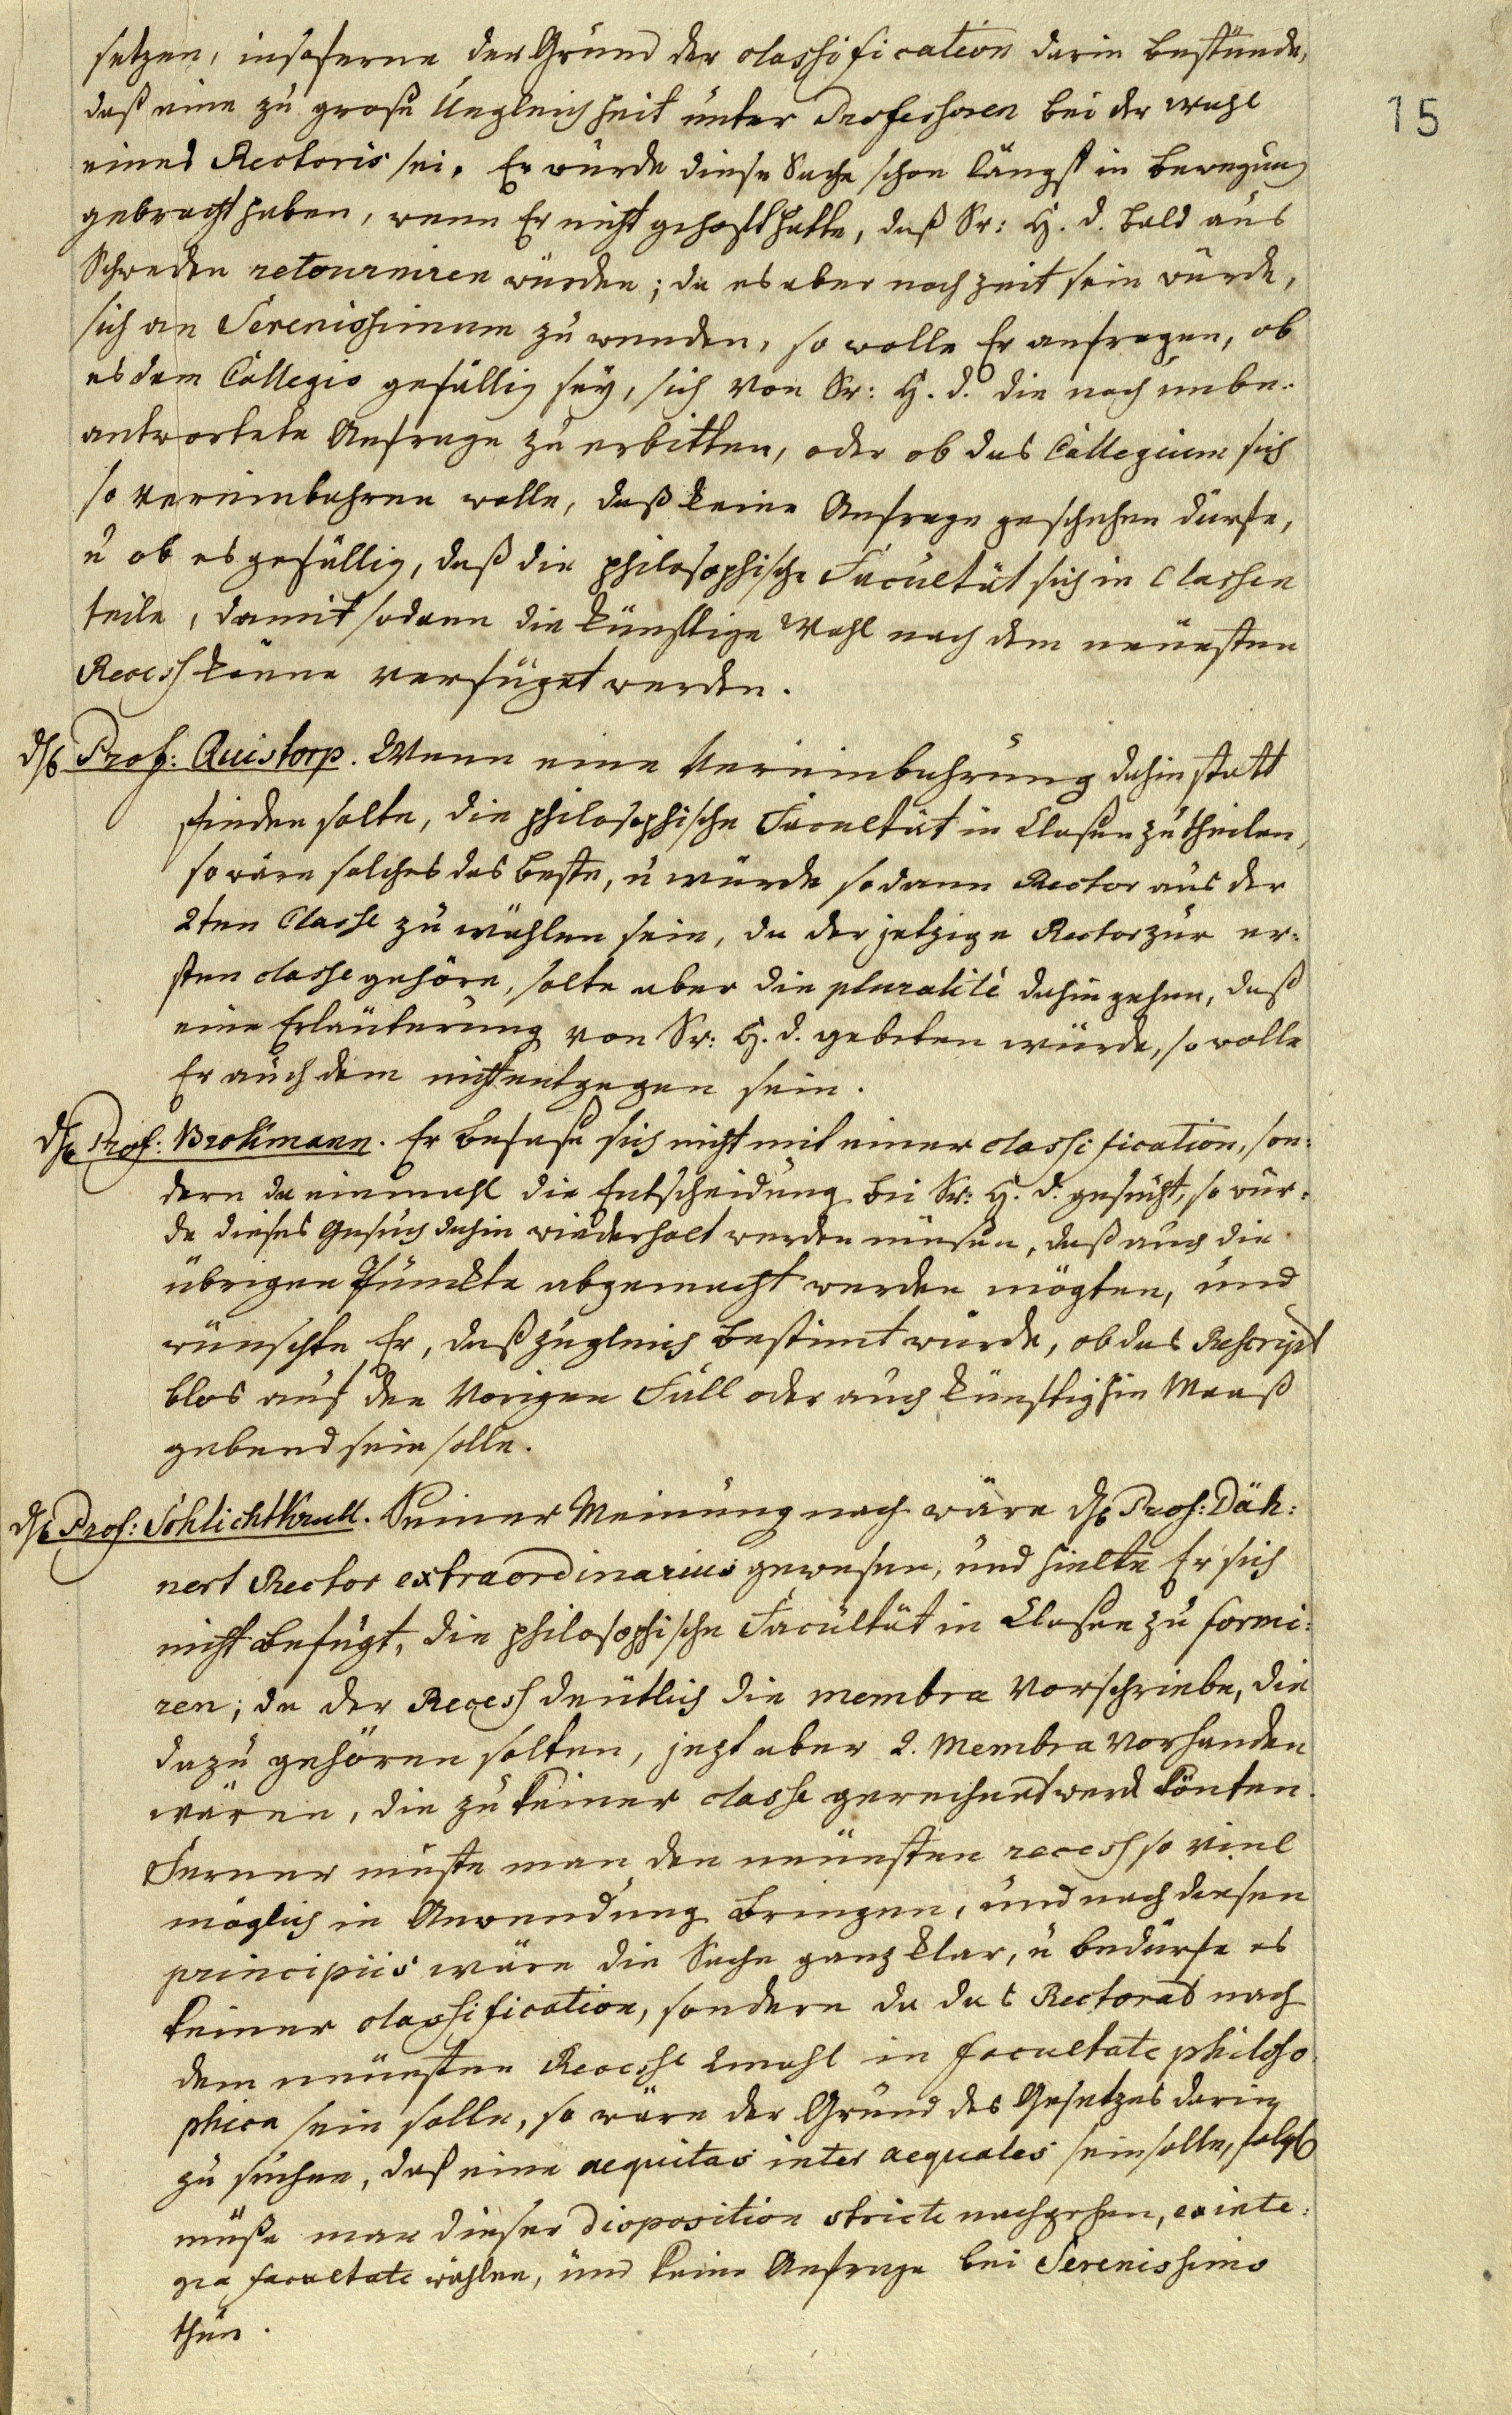setzen, insoferne der Grund der classification darin bestünde,
daß eine zu große Ungleichheit unter Professoren bei der Wahl
eines Rectoris sei. Er würde diese Sache schon längst in Bewegung
gebracht haben, wenn Er nicht gehoft hätte, daß Sr. H.d. bald aus
Schweden retourniren würden; da es aber noch Zeit sein würde,
sich an Serenissimum zu wenden, so wolle Er anfragen, ob
es dem Collegio gefällig seÿ, sich von Sr H. d. die noch unbe¬
antwortete Nachfrage zu erbitten, oder ob das Collegium sich
so vereinbahren wolle, daß keine Anfrage geschehen dürfe,
u ob es gefällig, daß die philosophische Facultät sich in Classen
teile, damit sodann die künftige Wahl nach dem neuesten
Receß könne verfüget werden.
dh. Prof. Quistorp. Wenn eine Vereinbahrung dahin statt
finden solte, die philosophische Facultät in Classen zu theilen
so wäre solches das Beste, u würde sodann Rector aus der
2 ten Classe zu wählen sein, da der jetzige Rector zur er¬
sten classe gehöre, solte aber die pluralité dahin gehen, daß
eine Erläuterung von Sr H. d. gebeten würde, so wolle
Er auch dem nicht entgegen sein.
dh. Prof. Brockmann. Er befaße sich nicht mit einer classification, son¬
dern da einmahl die Entscheidung bei Sr H. d. gesucht, so wür¬
de dieses Gesuch dahin wiederholt werden müßen, daß auch die
übrigen Punckte abgemacht werden mögten, und
wünschte Er, daß zugleich bestimt würde, ob das Rescript
blos auf den vorigen Fall oder auch künftig hin Maaß
gebend sein solle.
dh. Prof. Schlichtkrull. Seiner Meinung nach wäre dh. Prof. Däh¬
nert Rector extraordinarius gewesen und hielte Er sich
nicht befugt, die philosophische Facultät in Classen zu formi¬
ren; da der Recess deutlich die membra vorschriebe, die
dazu gehören solten, jezt aber 2 membra vorhanden
wären, die zu keiner classe gerechnet werde könten.
Ferner müste man den neuesten recess so viel
möglich in Anwendung bringen, und nach diesen
principiis wäre die Sache ganz klar,u bedürfe es
keiner classification, sondern da das Rectorat nach
dem neuesten Recess 2mahl in Facultate philoso¬
phica sein solle, so wäre der Grund des Gesetzes darin
zu suchen, daß ein aequitas inter aequales sein solte, folgl.
müße man dieser disposition stricte nachgeben, ex inte¬
gra facultate wählen, und keine Anfrage bei Serenissimo
thun.